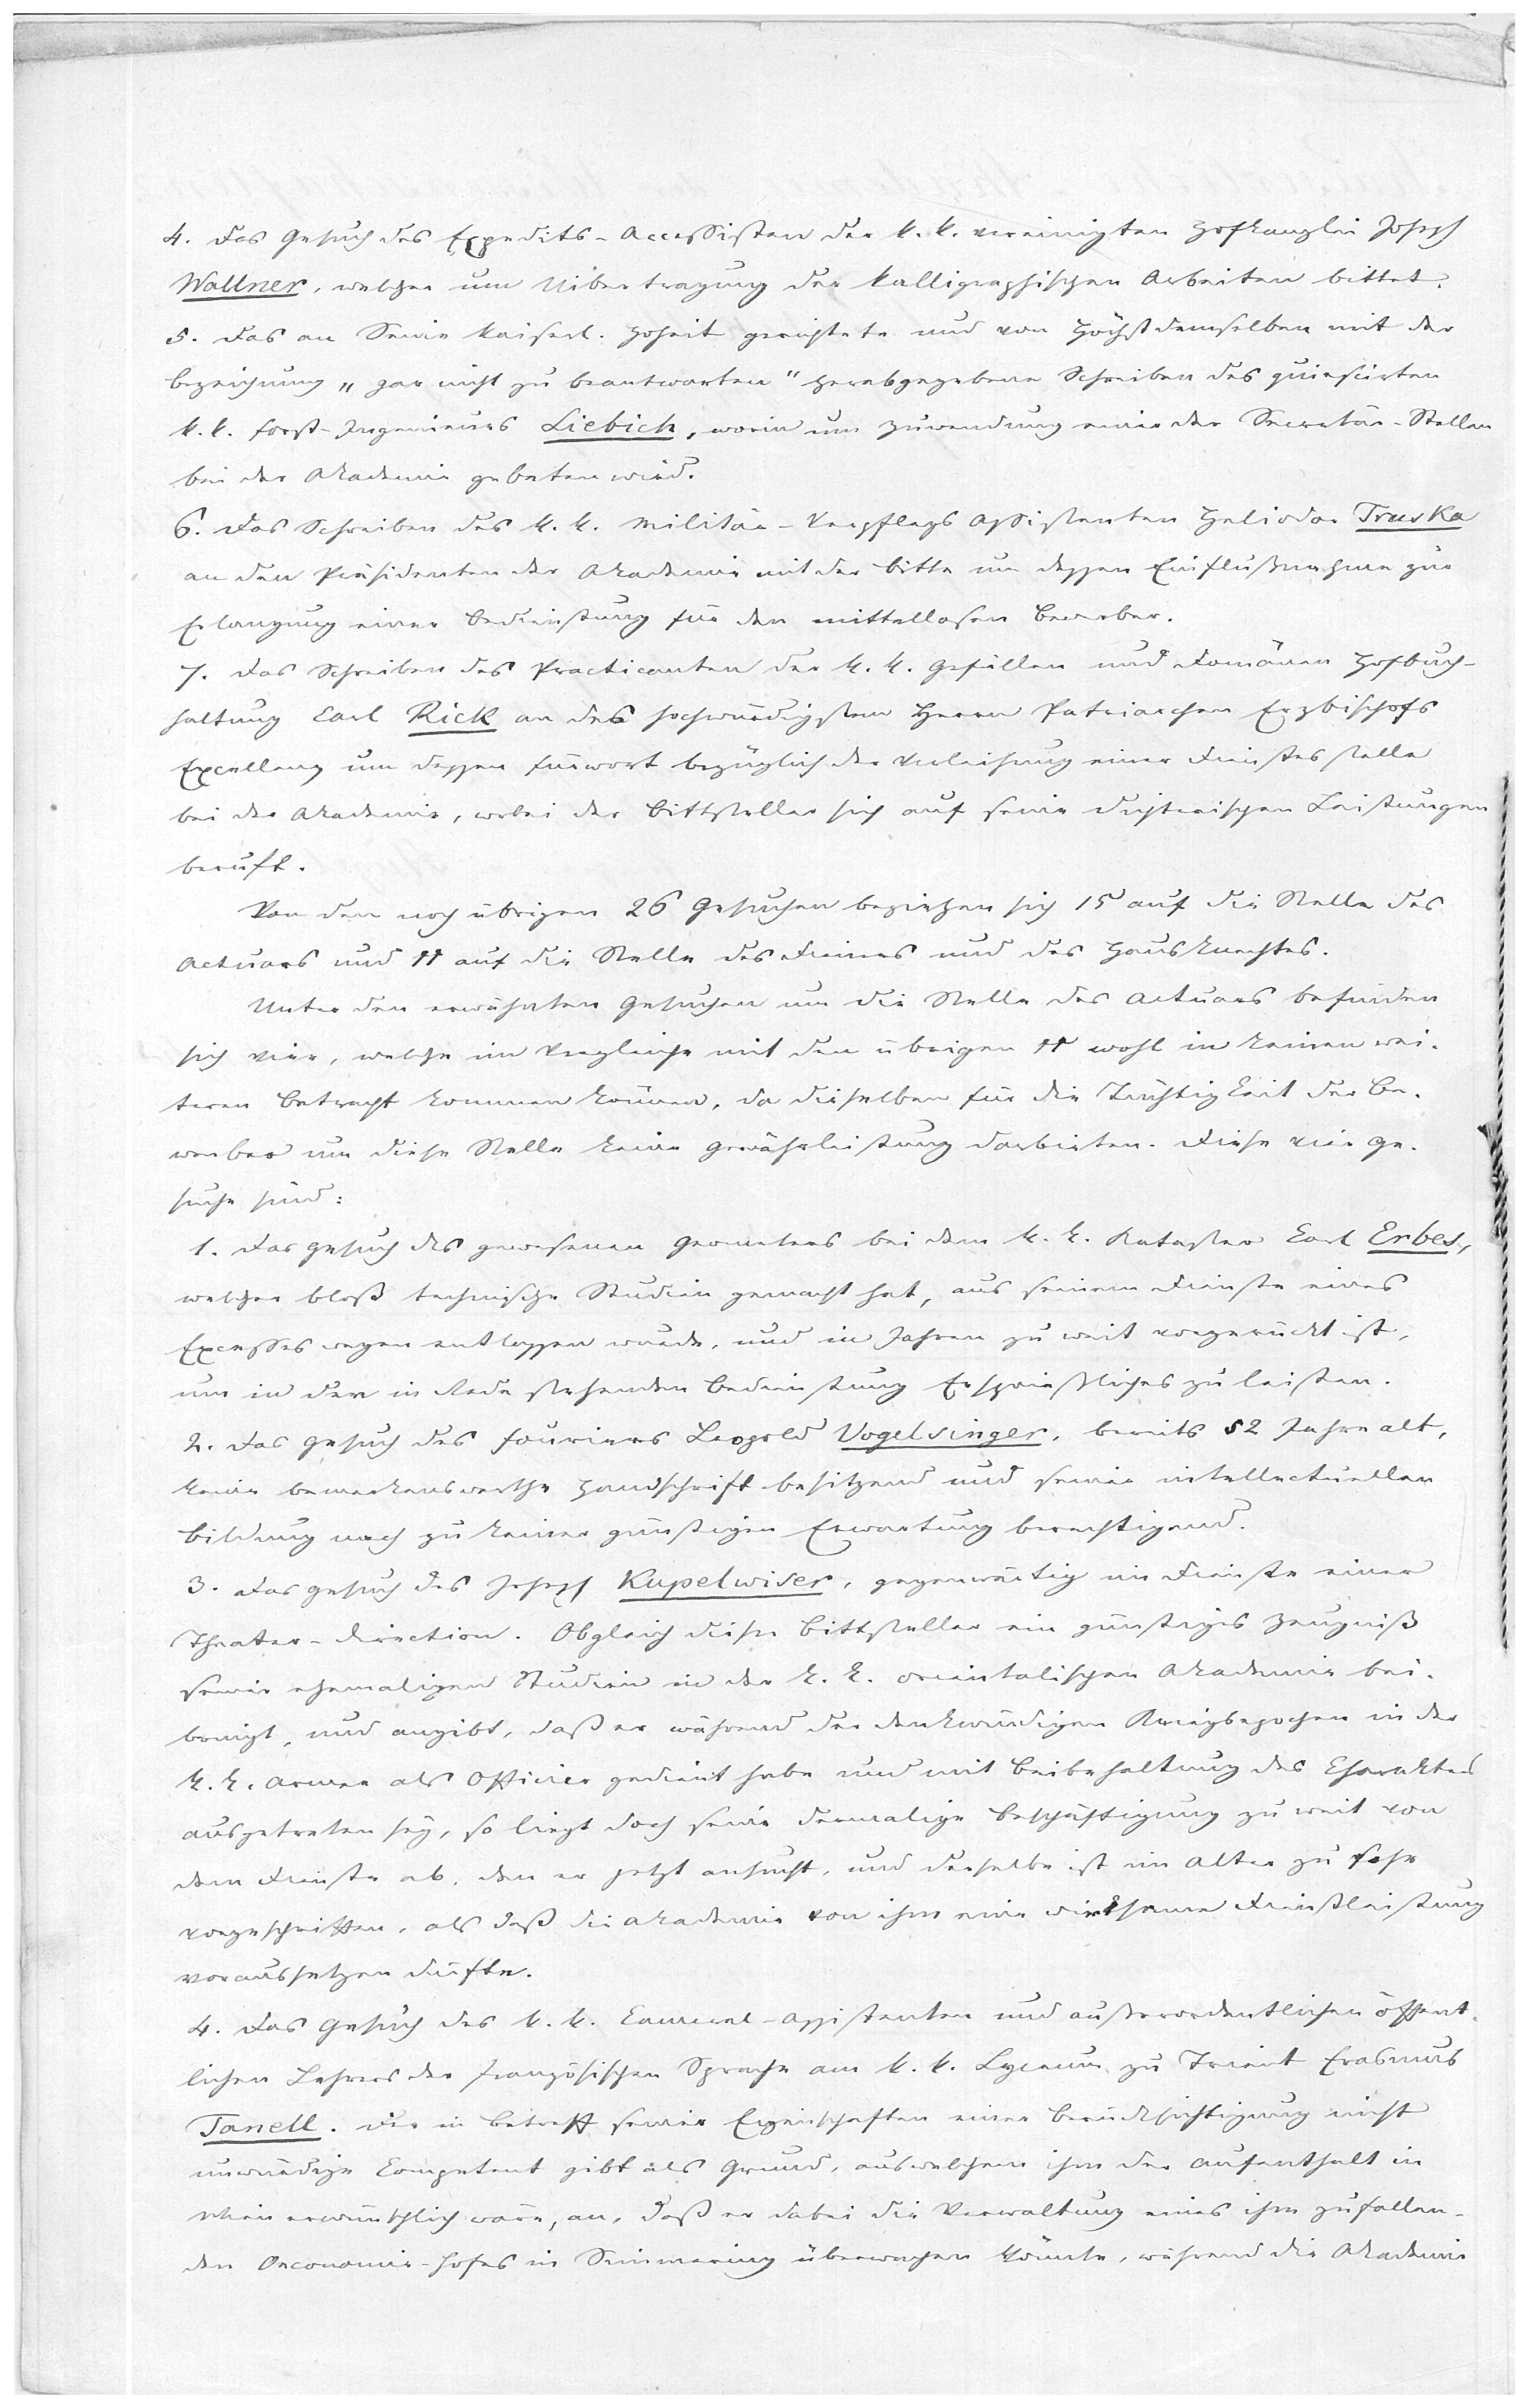4. Das Gesuch des Expedits-Accessisten der k.k. vereinigten Hofkanzlei Joseph
Wallner, welcher um Uebertragung der kalligraphischen Arbeiten bittet.
5. Das an Seine kaiserl. Hoheit gerichtete und von Höchstdemselben mit der
Bezeichnung "gar nicht zu beantworten" herabgegebene Schreiben des quiescirten
k.k. Forst-Ingenieurs Liebich, worin um Zuwendung einer der Secretär-Stellen
bei der Akademie gebeten wurde.
6. Das Schreiben des k.k. Militär-Verpfegs Assistenten Heliodor Truska
an den Präsidenten der Akademie mit der Bitte um dessen Einflußungen zur
Erlangung einer Bedienstung für den mittellosen Bewerber.
7. Das Schreiben des Practicanten der k.k. Gefällen und Domänen Hofbuch-
haltung Carl Rick an des hochwürdigsten Herrn Patriarchen Erzbischofs
Excellenz um dessen Fürwort bezüglich der Verleihung einer Dienstesstelle
bei der Akademie, wobei der Bittsteller sich auf seine dichterischen Leistungen
beruft.
Von den noch übrigen 26 Gesuchen beziehen sich 15 auf die Stelle des
Actuars und 11 auf die Stelle des Dieners und des Hausknechtes.
Unter den erwähnten Gesuchen um die Stelle des Actuars befinden
sich vier, welche im Vergleiche mit den übrigen 11 wohl in keinen wei-
teren Betracht kommen können, da dieselben für die Tüchtigkeit der Be-
werber um diese Stelle keine Gewährleistung darbieten. Diese vier Ge-
suche sind:
1. Das Gesuch des gewesenen Geometers bei dem k.k. Kattaster Carl Erbes,
welcher bloß technische Studien gemacht hat, aus seinem Dienste eines
Excesses wegen entlassen wurde, und in Jahren zu weit vorgerückt ist,
um in der in Rede stehenden Bedienstung Ersprießliches zu leisten.
2. Das Gesuch des Fourniers Leopold Vogelsinger, bereits 52 Jahre alt,
keine bemerkenswerte Handschrift besitzend und seine intellectuellen
Bildung nach zu keiner günstigen Erwartung berechtigend.
3. Das Gesuch des Joseph Kupelwiser, gegenwärtig im Dienste einer
Theater-Direction. Obgleich dieser Bittsteller ein günstiges Zeugniß
seiner ehemaligen Studien in der k.k. orientalisschen Akademie bei-
bringt, und angibt, daß er während der denkwürdigen Kriegsepochen in der
k.k. Armee als Officier gedient habe und mit Beibehaltng des Characters
ausgetreten sey, so liegt doch seine dermalige Beschäftigung zu weit von
dem Dienst ab, den er jetzt ansucht, und derselbe ist im Alter zu sehr
vorgeschitten, als daß die Akademie von ihm eine wirksame Dienstleistung
voraussetzen dürfte.
4. Das Gesuch des k.k. Cameral-Assistenten und außerodentlichen öffent-
lichen Lehrers der französischen Sprache am k.k. Lyceum zu Trient Erasmus
Tanell, der in betreff seiner Eigenschaften einer Berücksichtigung nicht
unwürdige Competent gibt als Grund, aus welchem ihm der Aufenthalt in
Wien erwünschlich wäre, an, daß er dabei die Verwaltung eines ihm zugefallen-
en Oeconomie-Hofes in Simmering überwachen könnte, während die Akademie